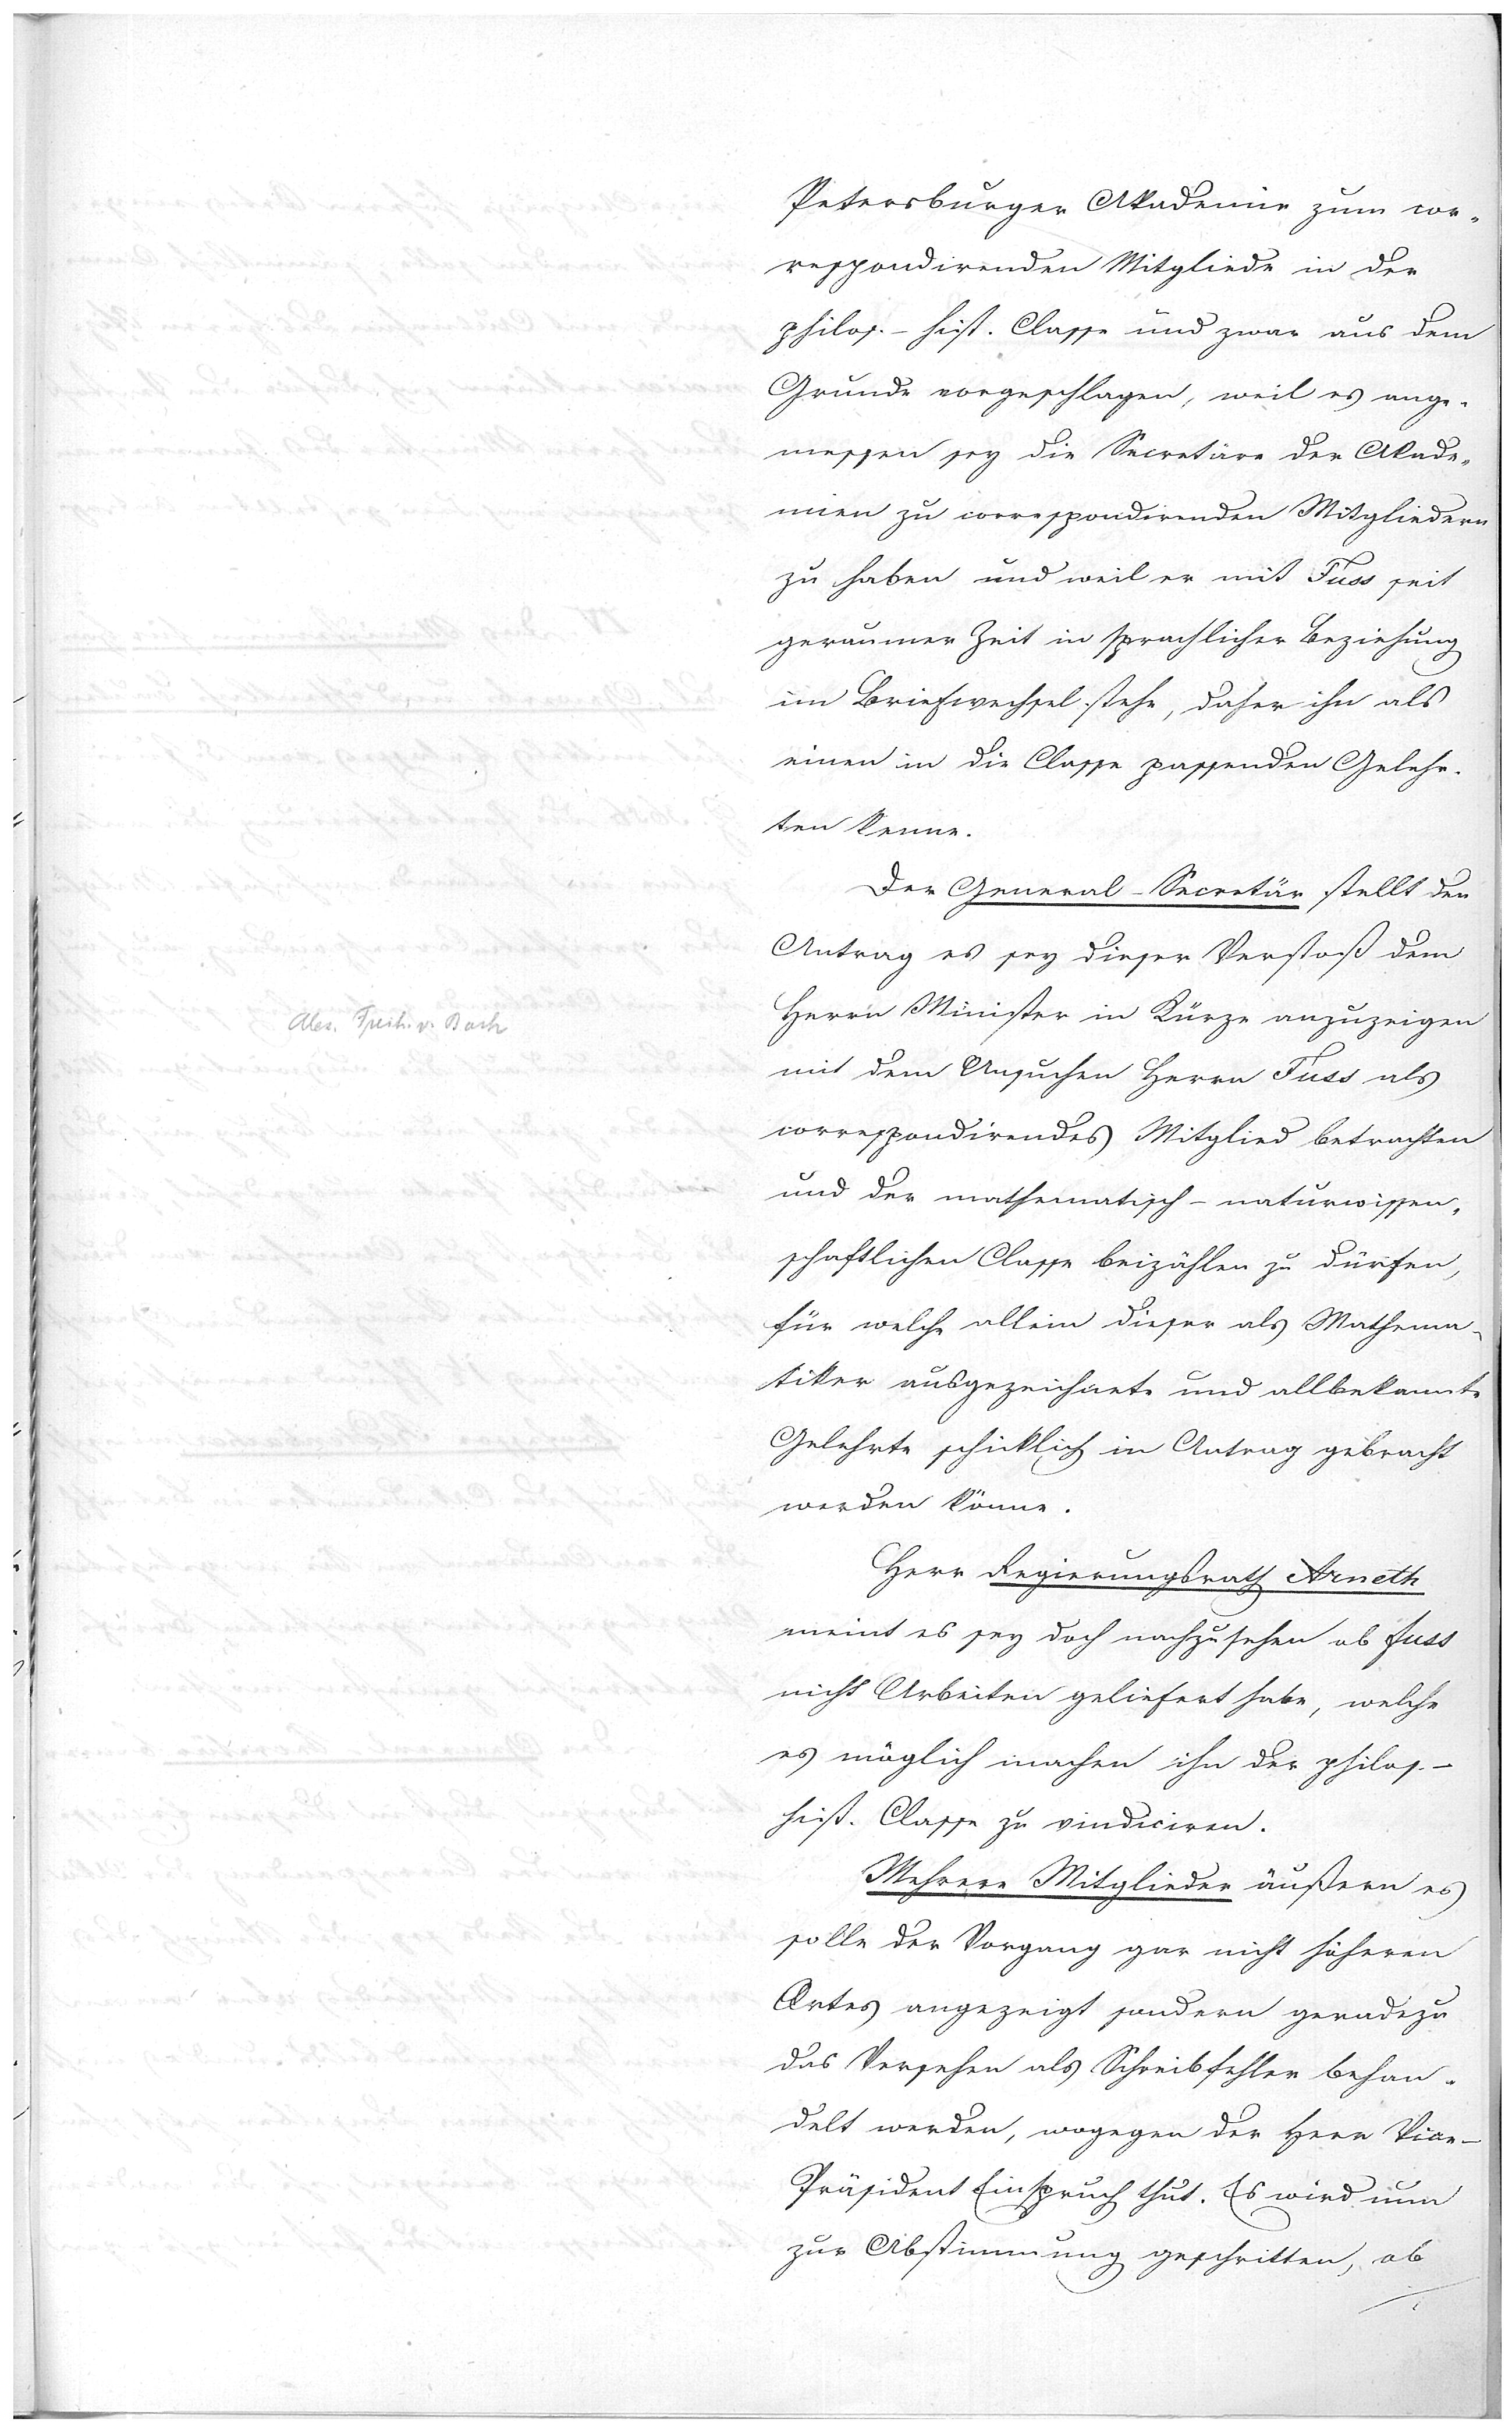Petersburger Akademie zum cor-
respondirenden Mitgliede in der
philos.-hist. Classe und zwar aus dem
Grunde vorgeschlagen, weil es ange-
messen sey die Secretäre der Akade-
mien zu correspondirenden Mitgliedern
zu haben und weil er mit Fuss seit
geraumer Zeit in sprachlicher Beziehung
im Briefwechsel stehe, daher ihn als
einen in die Classe passenden Gelehr-
ten kenne.
Der General-Secretär stellt den
Antrag es sey dieser Verstoß dem
Herrn Minister in Kürze anzuzeigen
mit dem Ansuchen Herrn Fuss als
correspondirendes Mitglied betrachten
und der mathematisch-naturwissen-
schaftlichen Classe beizählen zu dürfen,
für welche allein dieser als Mathema-
tiker ausgezeichnete und allbekannte
Gelehrte schicklich in Antrag gebracht
werden könne.
Alex. Freih. v. Bach
Herr Regierungsrath Arneth
meint es sey doch nachzusehen ob Fuss
nicht Arbeiten geliefert habe, welche
es möglich machen ihn der philos.-
hist. Classe zu vindiciren.
Mehrere Mitglieder äußern es
solle der Vorgang gar nicht höheren
Ortes angezeigt sondern geradezu
das versehen als Schreibfehler behan-
delt werden, wogegen der Herr Vice-
Präsident Einspruch thut. Es wird nun
zur Abstimmung geschritten, ob